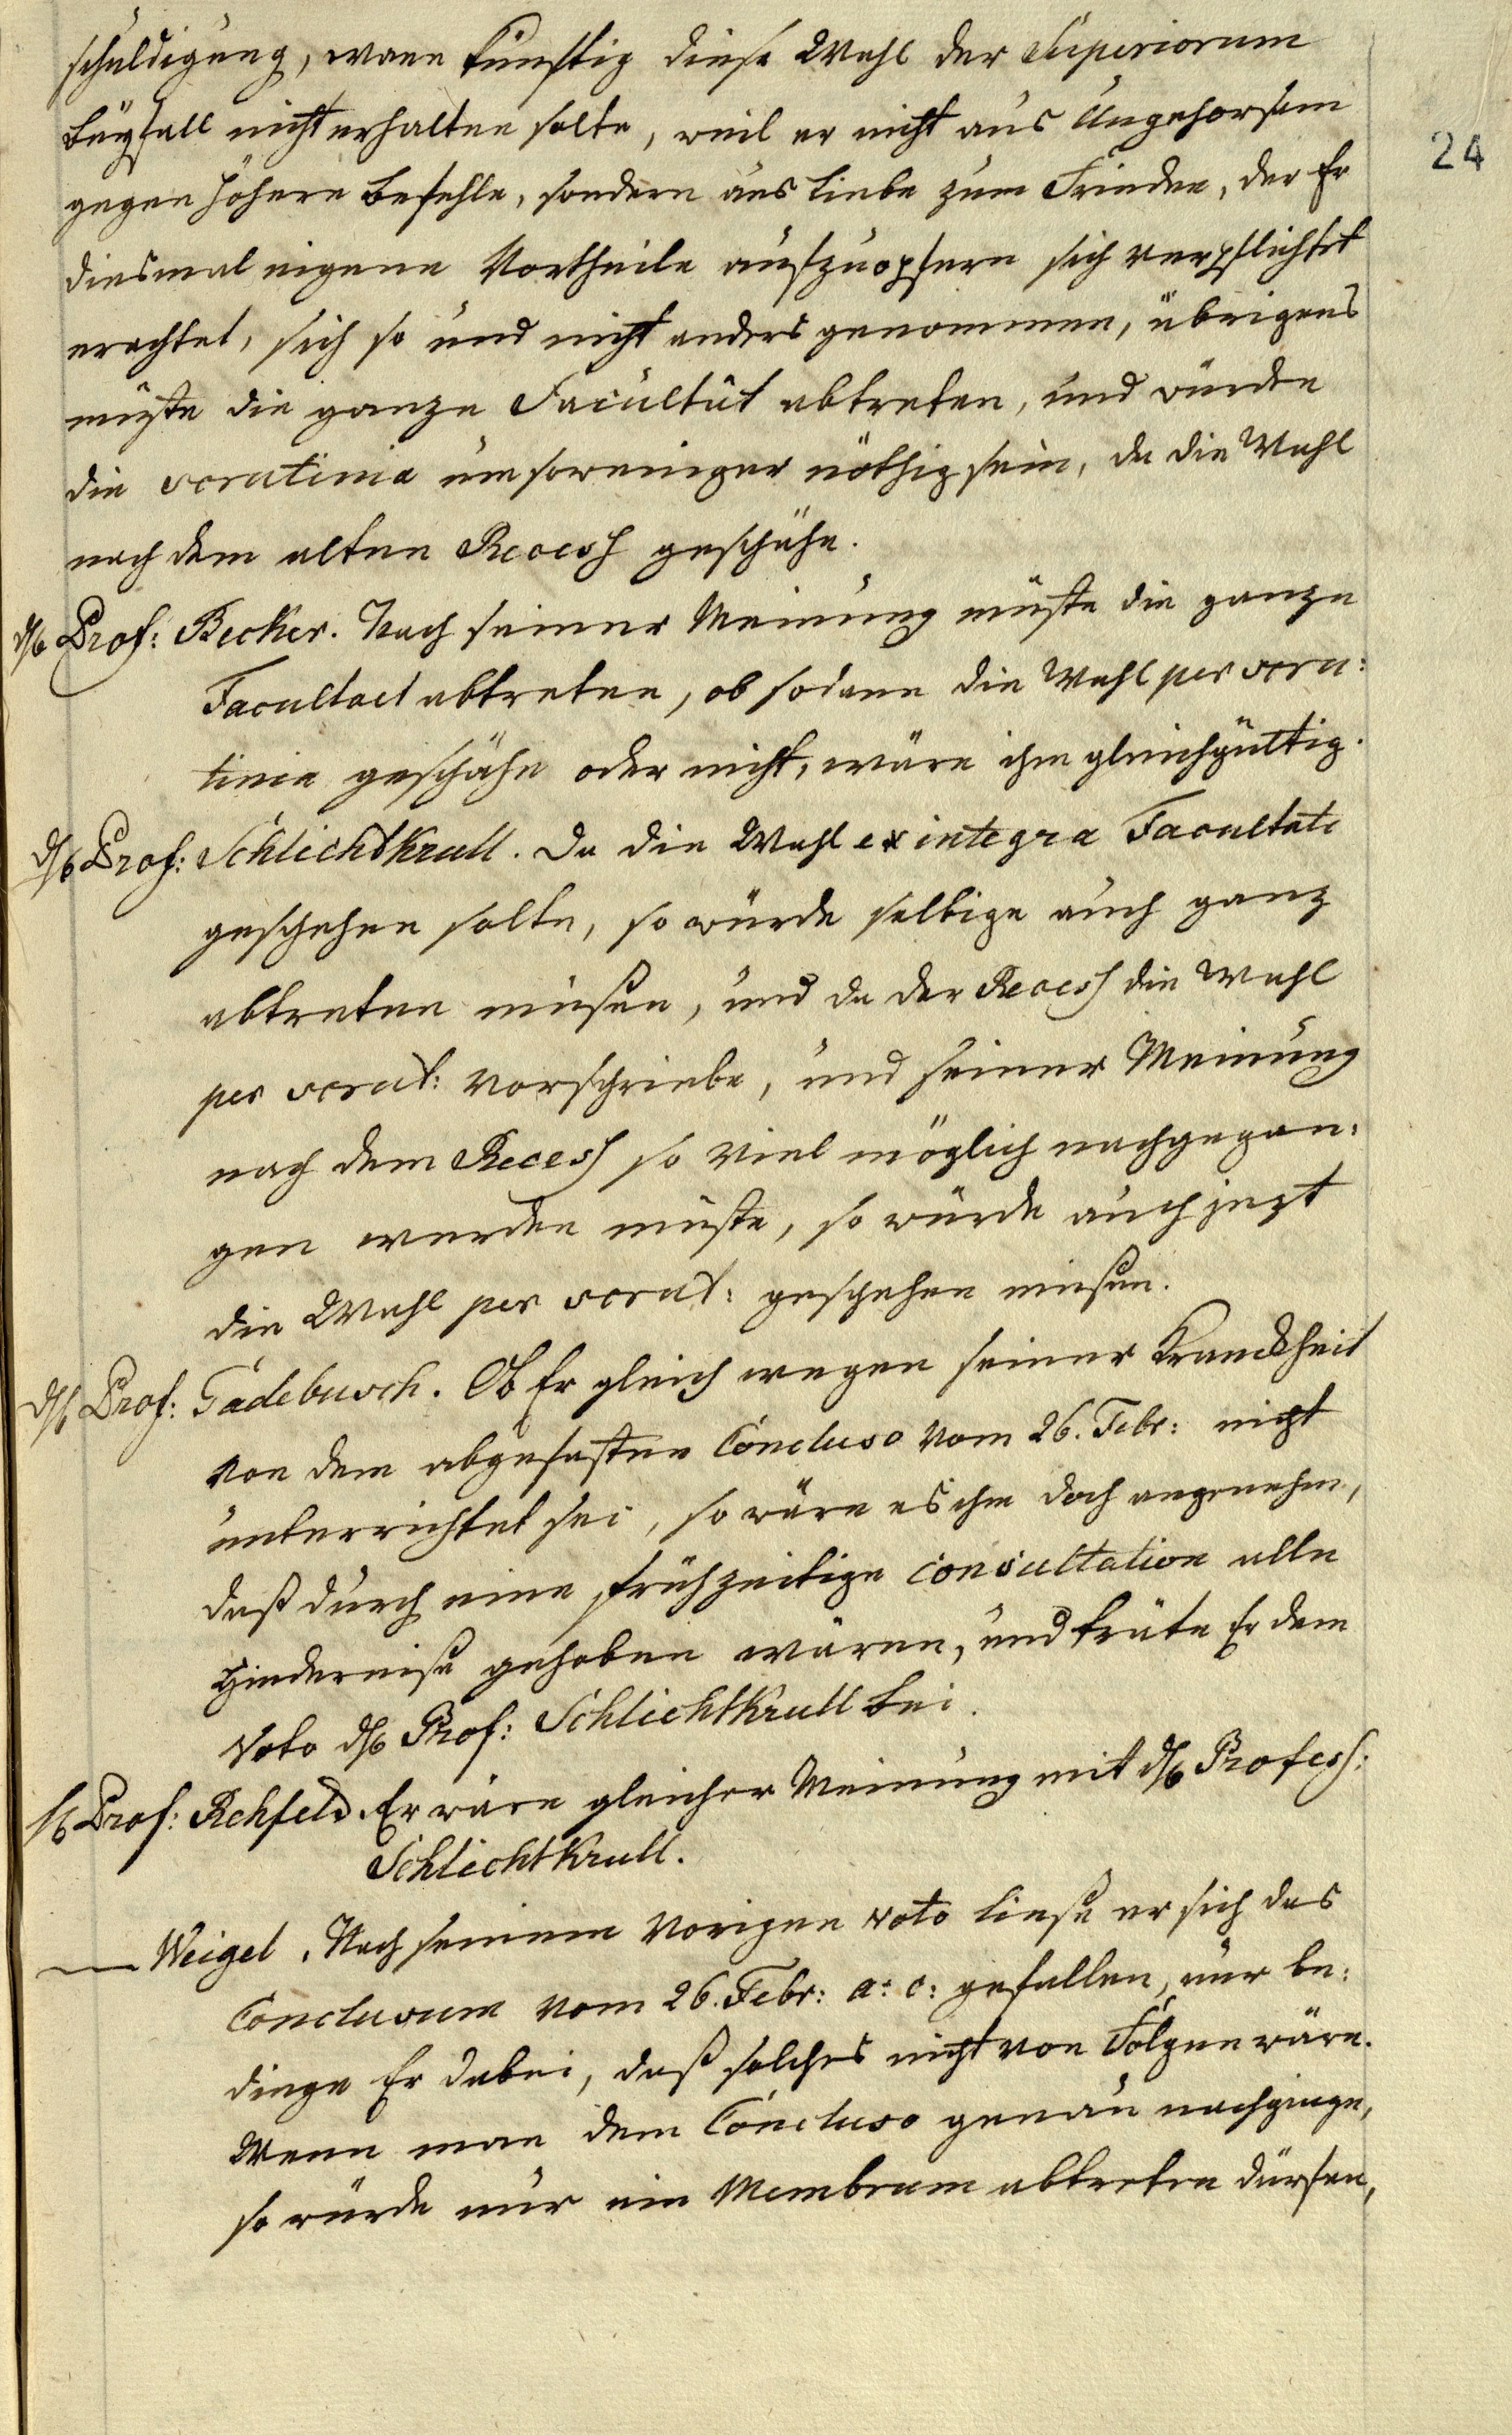schuldigung, wann künftig diese Wahl der Superiorum
Beÿfall nicht erhalten solte, weil er nicht aus Ungehorsam
gegen höhere Befehle, sondern aus Liebe zum Frieden, der Er
diesmal eigene Vortheile aufzuopfern sich verpflichtet
erachtet, sich so und nicht anders genommen, übrigens
müste die ganze Facultät abtreten, und würden
die scrutinia umsoweniger nöthig sein, da die Wahl
nach dem alten Recess geschähe.
dh Prof. Becker. Nach seiner Meinung müste die ganze
Facultaet abtreten, ob sodann die Wahl per scru¬
tinia geschähe oder nicht, wäre ihm gleichgültig.
dh. Prof. Schlichtkrull. Da die Wahl ex integra Facultate
geschehen solte, so würde selbige auch ganz
abtreten müßen, und da der Recess die Wahl
per scrut. vorschriebe, und seiner Meinung
nach dem Recess so viel möglich nachgegang¬
gen werden müste, so würde auch jezt
die Wahl per scrut. geschehen müßen.
dh. Prof. Gadebusch. Ob Er gleich wegen seiner Kranckheit
von dem abgefasten Concluso vom 26 Febr. nicht
unterrichtet sei, so wäre es ihm doch angenehm,
daß durch eine frühzeitige consultation alle
Hinderniße gehoben wären, und träte Er dem
Voto dh Prof. Schlichtkrull bei.
dh Prof. Rehfeld. Er wäre gleicher Meinung mit dh Profess.
Schlichtkrull.
Weigel. Nach seinem vorigen voto ließe er sich das
Conclusum vom 26. Febr. a. c. gefallen, nur be¬
dinge Er dabei, daß solches nicht von Folgen wäre.
Wenn man dem Concluso genau nachginge,
so würde nur ein Membrum abtreten dürfen,